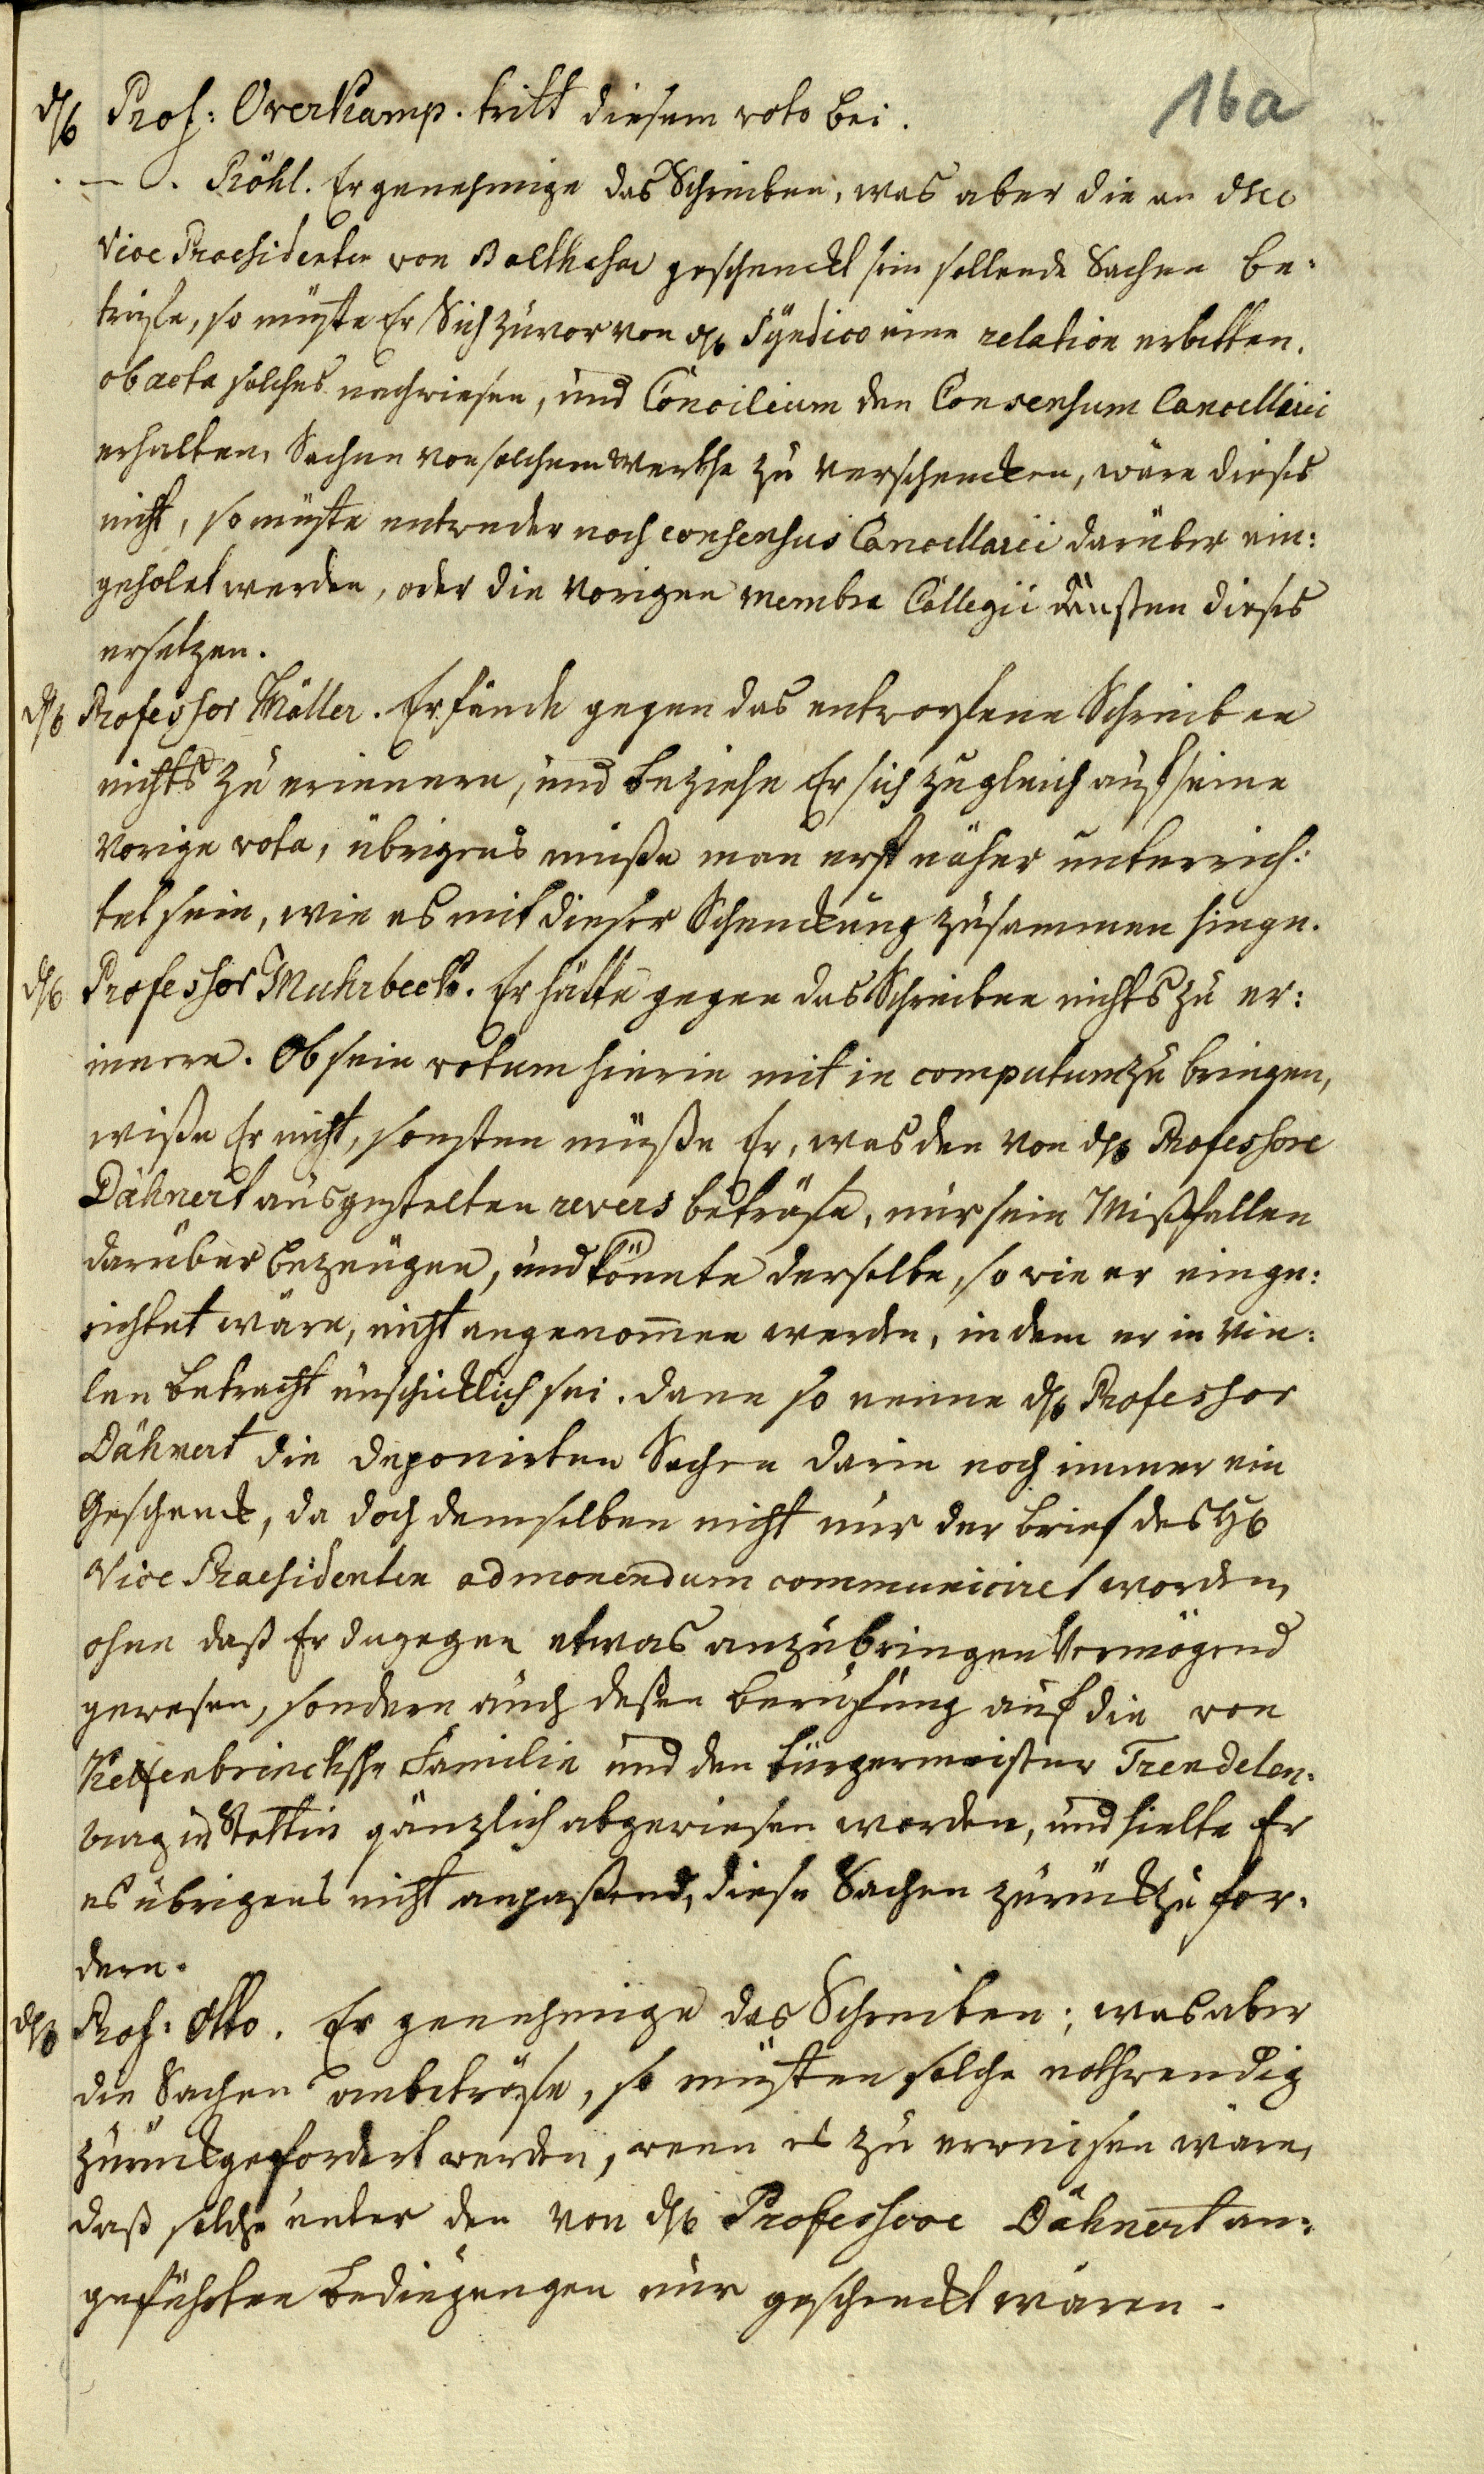dh Prof. Overkamp. tritt diesem voto bei.
Röhl. Er genehmige das Schreiben, was aber die an dh
VicePraesidenten von Balthasar geschenckt sein sollende Sachen be¬
träfe, so müste Er Sich zuvor von dh Sÿndico eine relation erbitten,
ob acta solches nachwiesen, und Concilium den Consensum Cancellarii
erhalten, Sachen von solchem Werthe zu verschencken, wäre dieses
nicht, so müste entweder noch consensus Cancellarii darüber ein¬
geholet werden, oder die vorigen membra Collegii müsten dieses
ersetzen.
dh Professor Möller. Er fände gegen das entworfene Schreiben
nichts zuerinnern, und beziehe Er sich zugleich auf seine
vorige vota, übrigens müße man erst näher unterrich¬
tet sein, wie es mit dieser Schenckung zusammen hinge.
dh Professor Muhrbeck. Er hätte gegen das Schreiben nichts zu er¬
innern. Ob sein votum hierin mit in computum zu bringen,
wiße Er nicht, sonsten müße Er, was den von dh Professore
Dähnert ausgestelten revers beträfe, nur sein Mißfallen
darüber bezeugen, und könnte derselbe, so wie er einge¬
richtet wäre, nicht angenomen werden, in dem er in vie¬
len Betracht unschicklich sei. Dann so nenne dh Professor
Dähnert die deponirten Sachen darin noch immer ein
Geschenck, da doch demselben nicht nur der Brief dh
Vice Praesidenten ad monendum communiciret worden,
ohne daß Er dagegen etwas anzubringen vermögend
gewesen, sondern auch deßen Berufung auf die von
Keffenbrincksche Familie und den Bürgermeister Trendelen¬
burg in Stettin gänzlich abgewiesen worden, und hielte Er
es übrigens nicht anpaßend, diese Sachen zurückzu for¬
dern.
dh Prof. Otto. Er genehmige das Schreiben,; was aber
die Sachen anbeträfe, so müsten solch nothwendig
zurückgefordert werden, wenn es zu erweisen wäre,
daß solche unter den von dh Professor Dähnert an¬
geführten Bedingungen nur geschenckt wären.